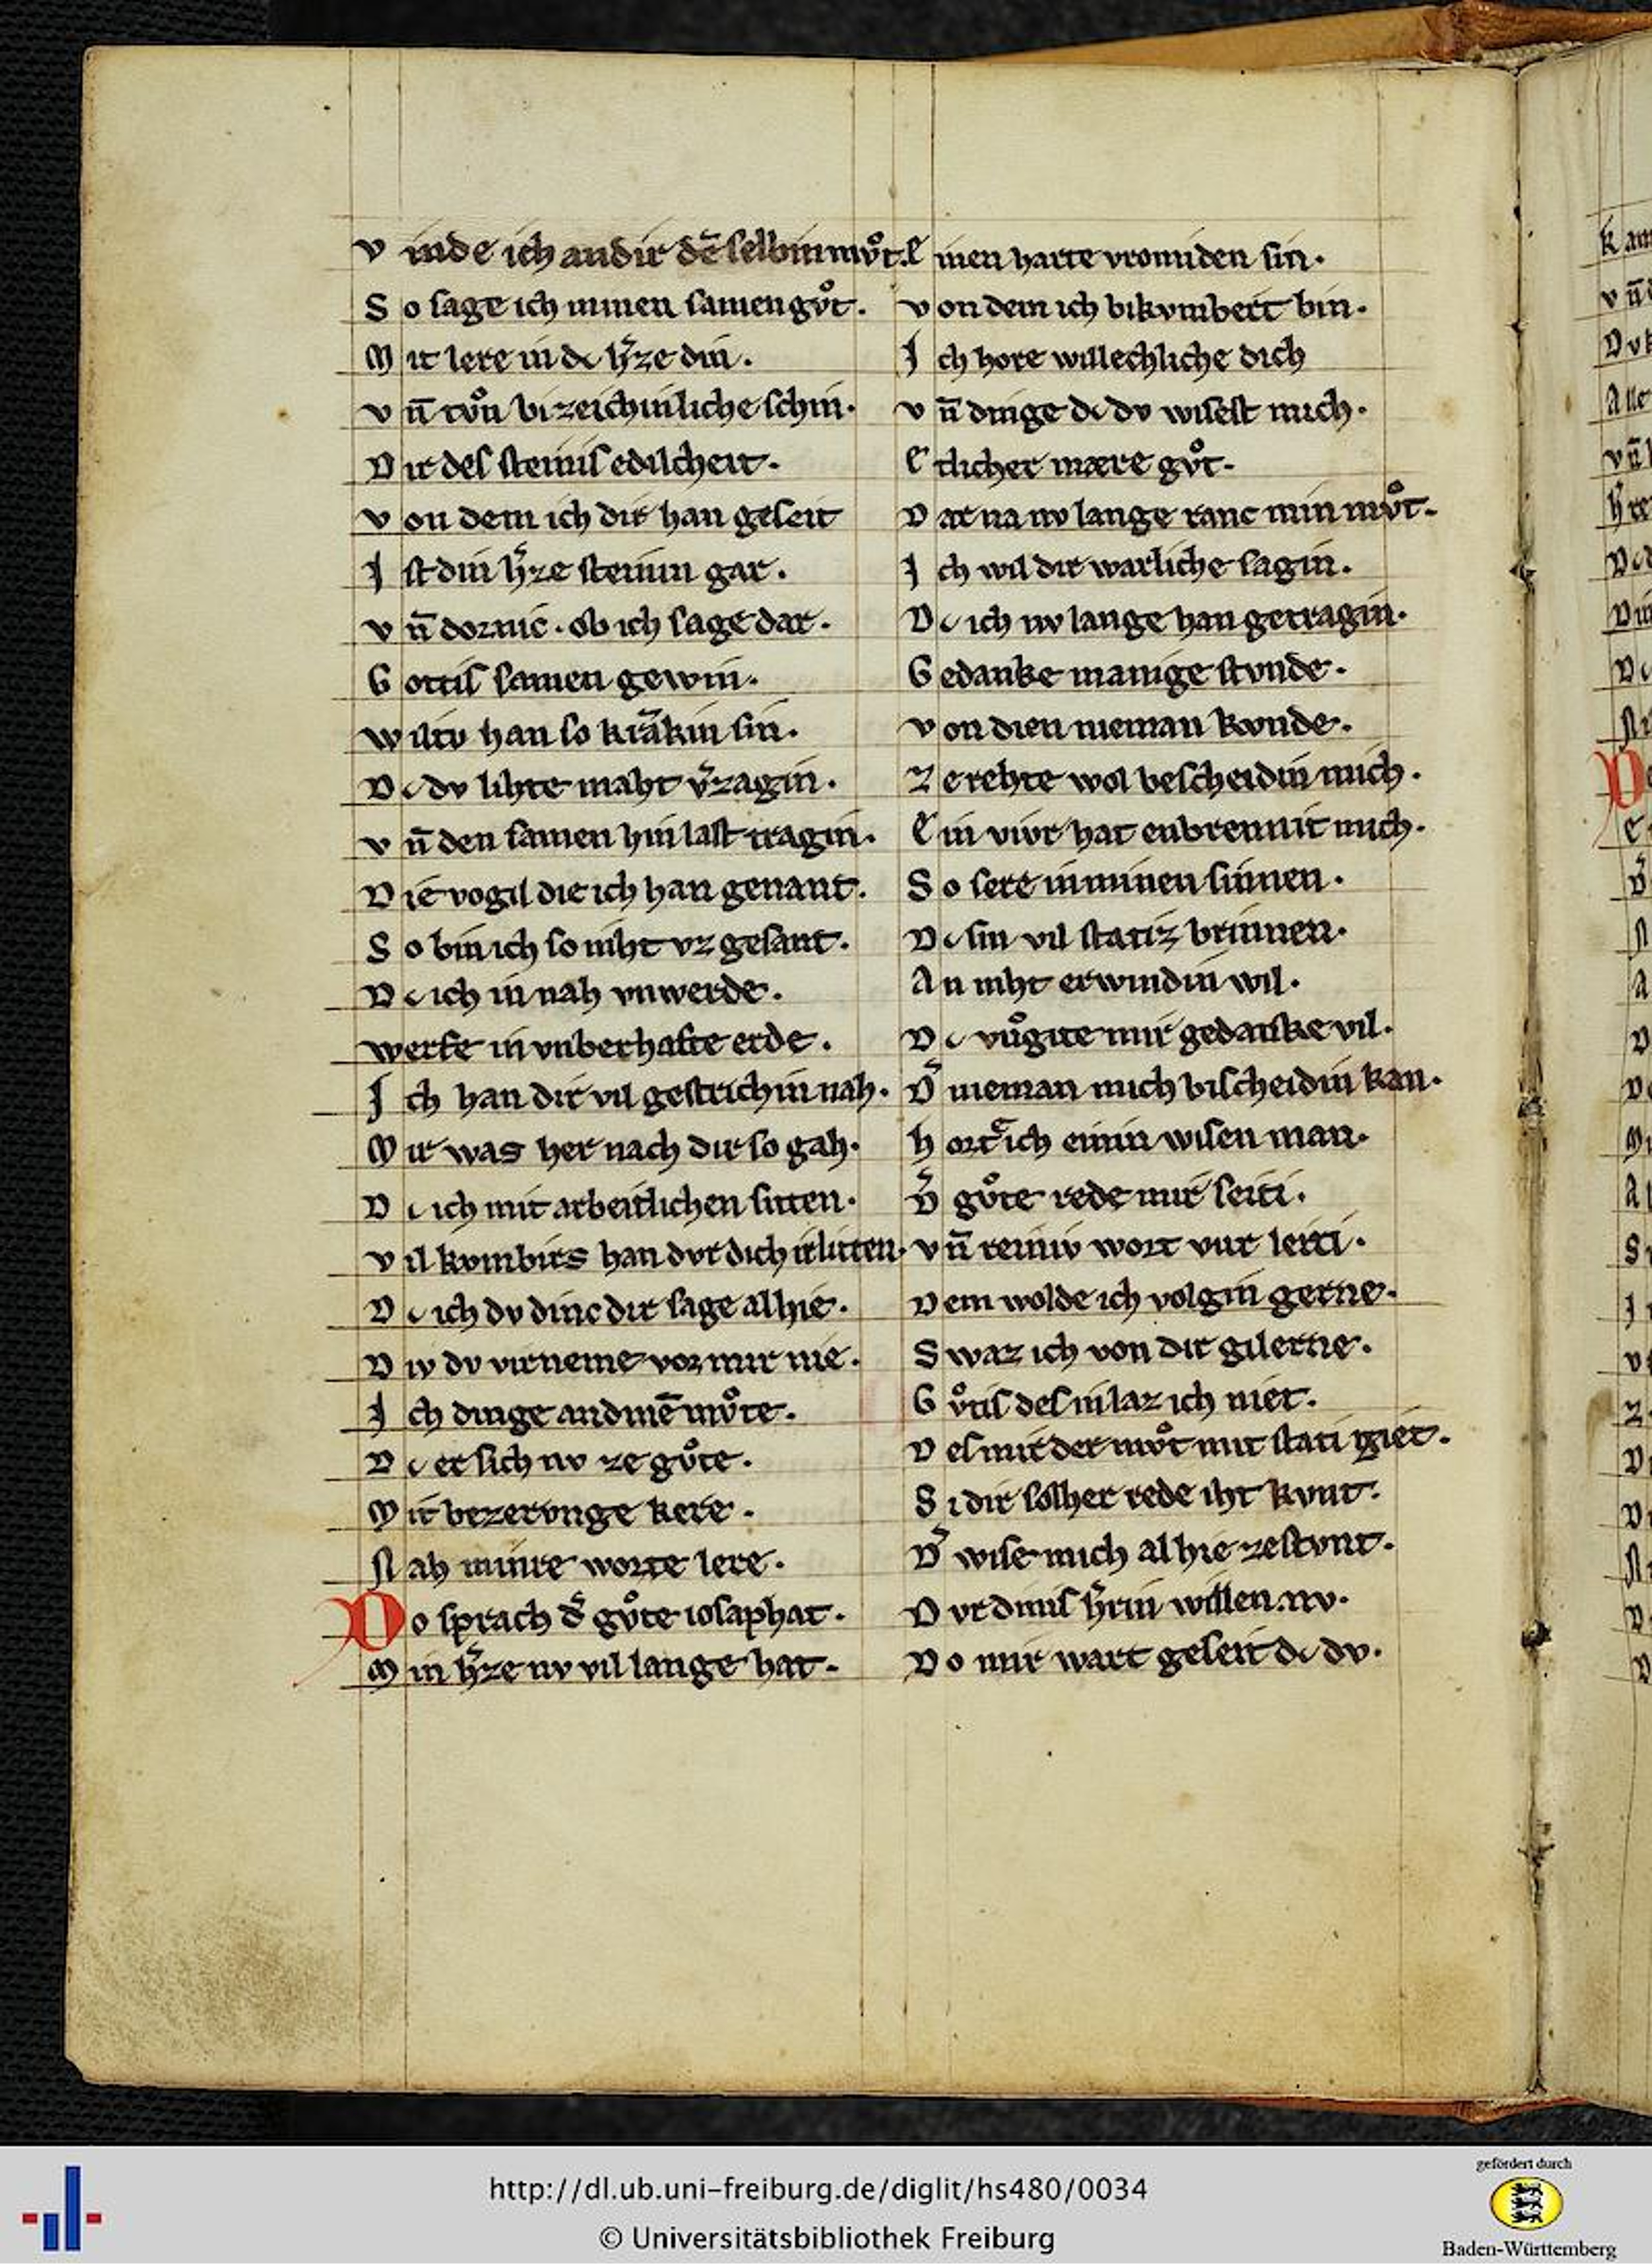Vinde ich andir de(n) ſelbin mv°ot.
So ſage ich minen ſamen gv°ot.
Mit lere in d(az) h(er)ze din.
Vn(d) tv°on bi zeichinliche ſchin.
Dir deſ ſteiniſ edilcheit.
Von dem ich dir han geſeit
Iſt din h(er)ze ſteinin gar.
Vn(d) dornic. ob ich ſage dar.
Gottiſ ſamen gewin.
Wiltv han ſo kra(n)kin ſin.
D(az) dv lihte maht v(er)zagin.
Vn(d) den ſamen hin laſt tragin.
Die vogil die ich han genant.
So bin ich ſo niht vz geſant.
D(az) ich in nah vnwerde.
Werfe in vnberhafte erde.
Ich han dir vil geſtrichin nah.
Mir was her nach dir ſo gah.
D(az) ich mit arbeitlichen ſitten.
Vil kvmbirs han dvr dich irlitten.
D(az) ich dv dinc dir ſage alhie.
Div dv virneme vor mir nie.
Ich dinge andine(n) mv°ote.
D(az) er ſich nv ze gv°ote.
Mit bezervnge kere.
Nah minre worte lere.
*Do ſprach d(er) gv°ote ioſaphat.
Min h(er)ze nv vil lange hat.
Einen harte vromiden ſin.
Von dem ich bikvmbert bin.
Ich hore willechliche dich
Vn(d) dinge d(az) dv wiſeſt mich.
Etlicher m[ae]re gv°ot.
Dar na nv lange ranc min mv°ot.
Ich wil dir warliche ſagin.
D(az) ich nv lange han getragin.
Gedanke manige ſtvnde.
Von dien nieman kvnde.
Ze rehte wol beſcheidin mich.
Ein vivr hat enbrennit mich.
So ſere in minen ſinnen.
D(az) ſin vil ſtatiz brinnen.
An niht erwindin wil.
D(az) vu°ogite mir gedanke vil.
D(er) nieman mich biſcheidin kan.
Hort°(e) ich einin wiſen man.
D(er) gv°ote rede mir ſeiti.
Vn(d) reiniv wort vur leiti.
Dem wolde ich volgin gerne.
Swaz ich von dir gilerne.
Gv°otiſ deſ inlaz ich niet.
Deſ mir der mv°ot mit ſtati giet.
Si dir ſolher rede iht kvnt.
D(er) wiſe mich al hie zeſtvnt.
Dvr diniſ h(er)rin villen. nv.
Do mir wart geſeit d(az) dv.